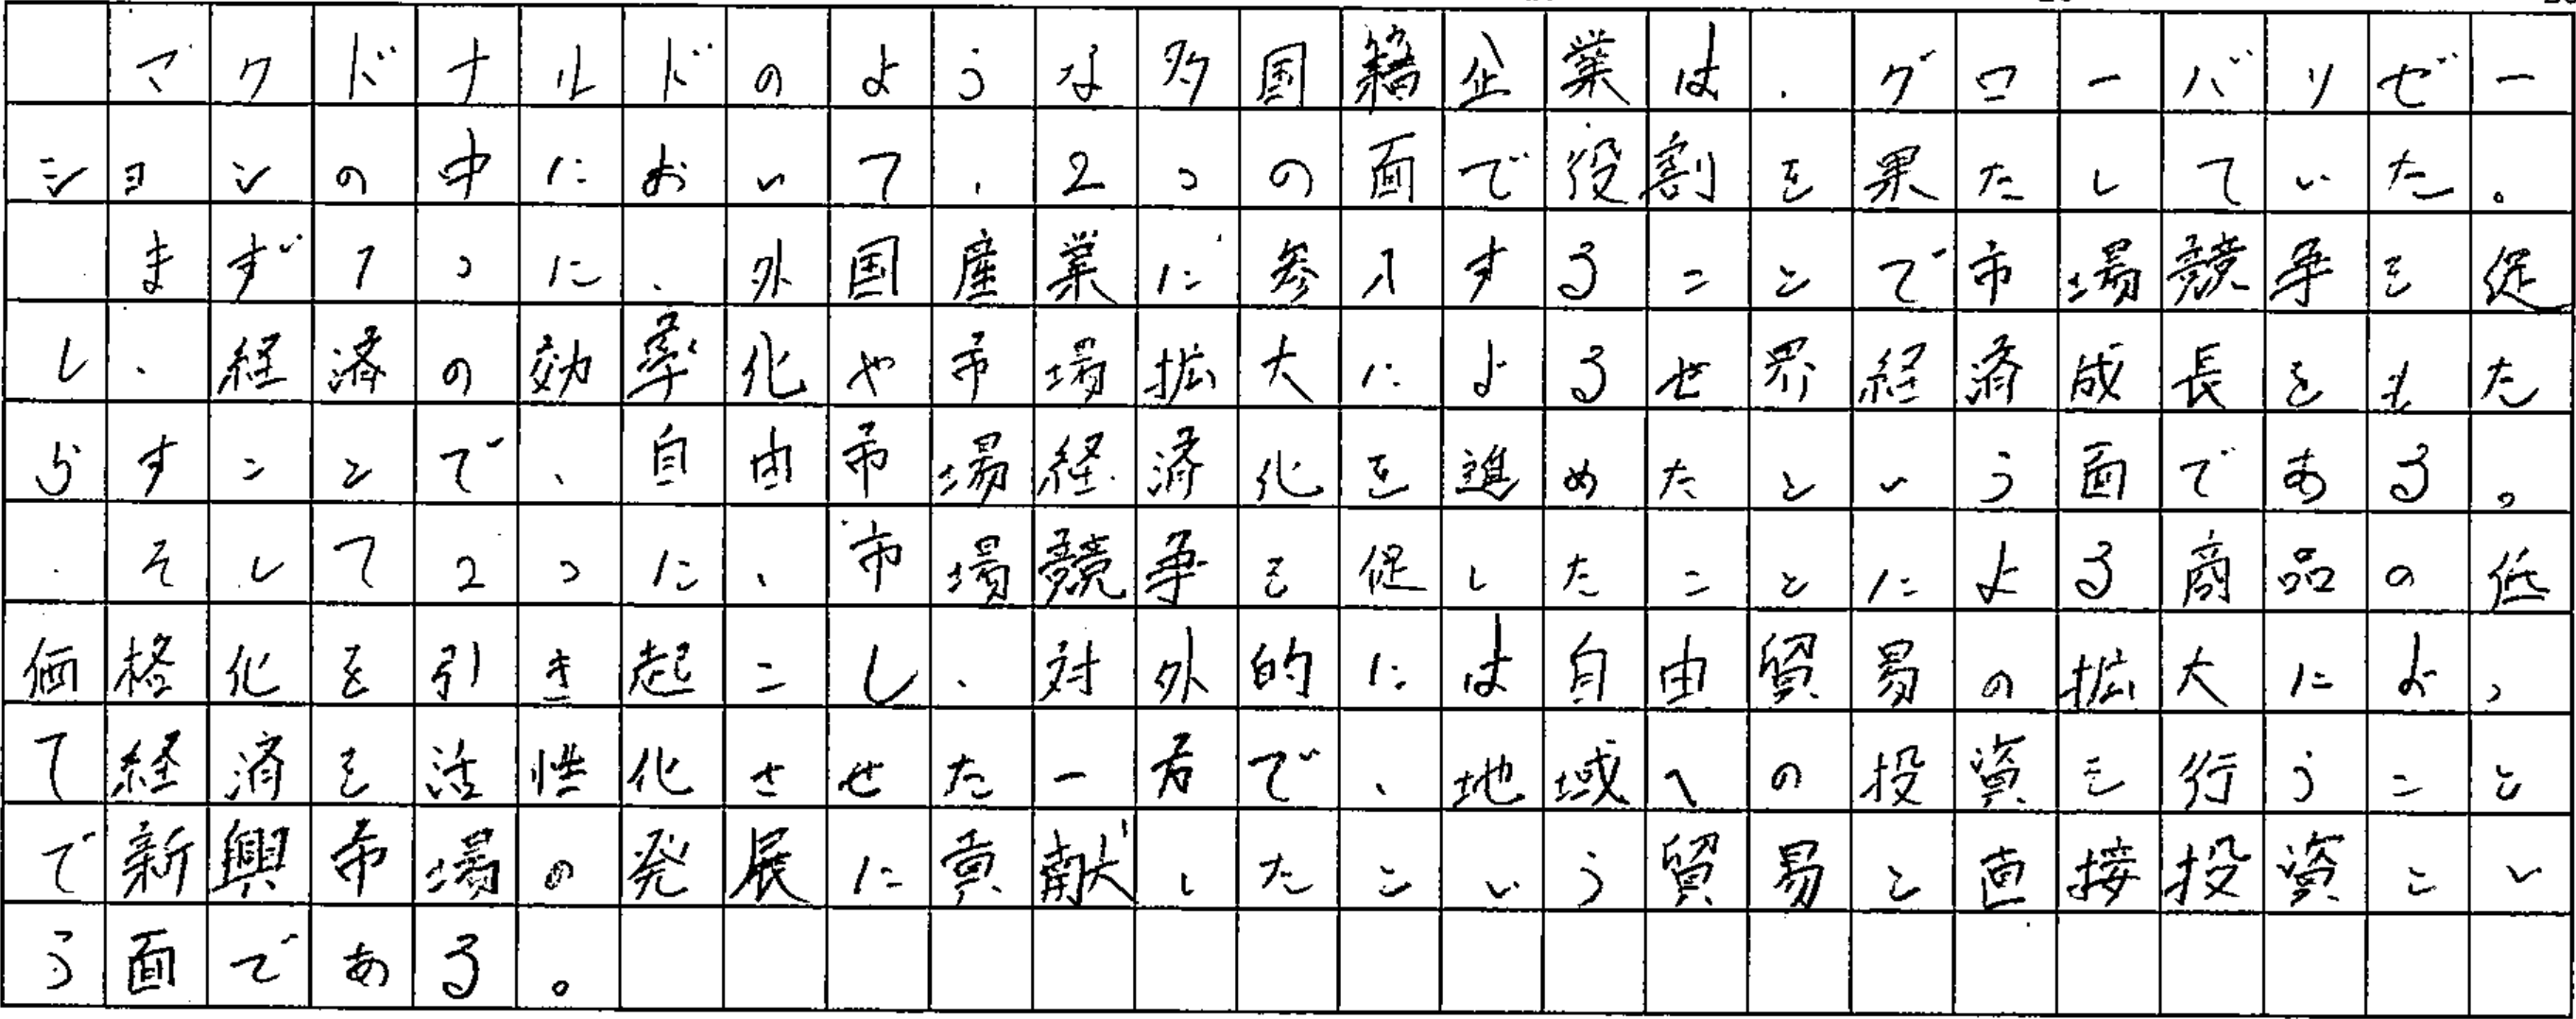　マクドナルドのような多国籍企業は、グローバリゼーションの中において、２つの面で役割を果たしていた。
　まず１つに、外国産業に参入することで市場競争を促し、経済の効率化や市場拡大による世界経済成長をもたらすことで、自由市場経済化を進めたという面である。
　そして２つに、市場競争を促したことによる商品の低価格化を引き起こし、対外的には自由貿易の拡大によって経済を活性化させた一方で、地域への投資を行うことで新興市場の発展に貢献したという貿易と直接投資という面である。
